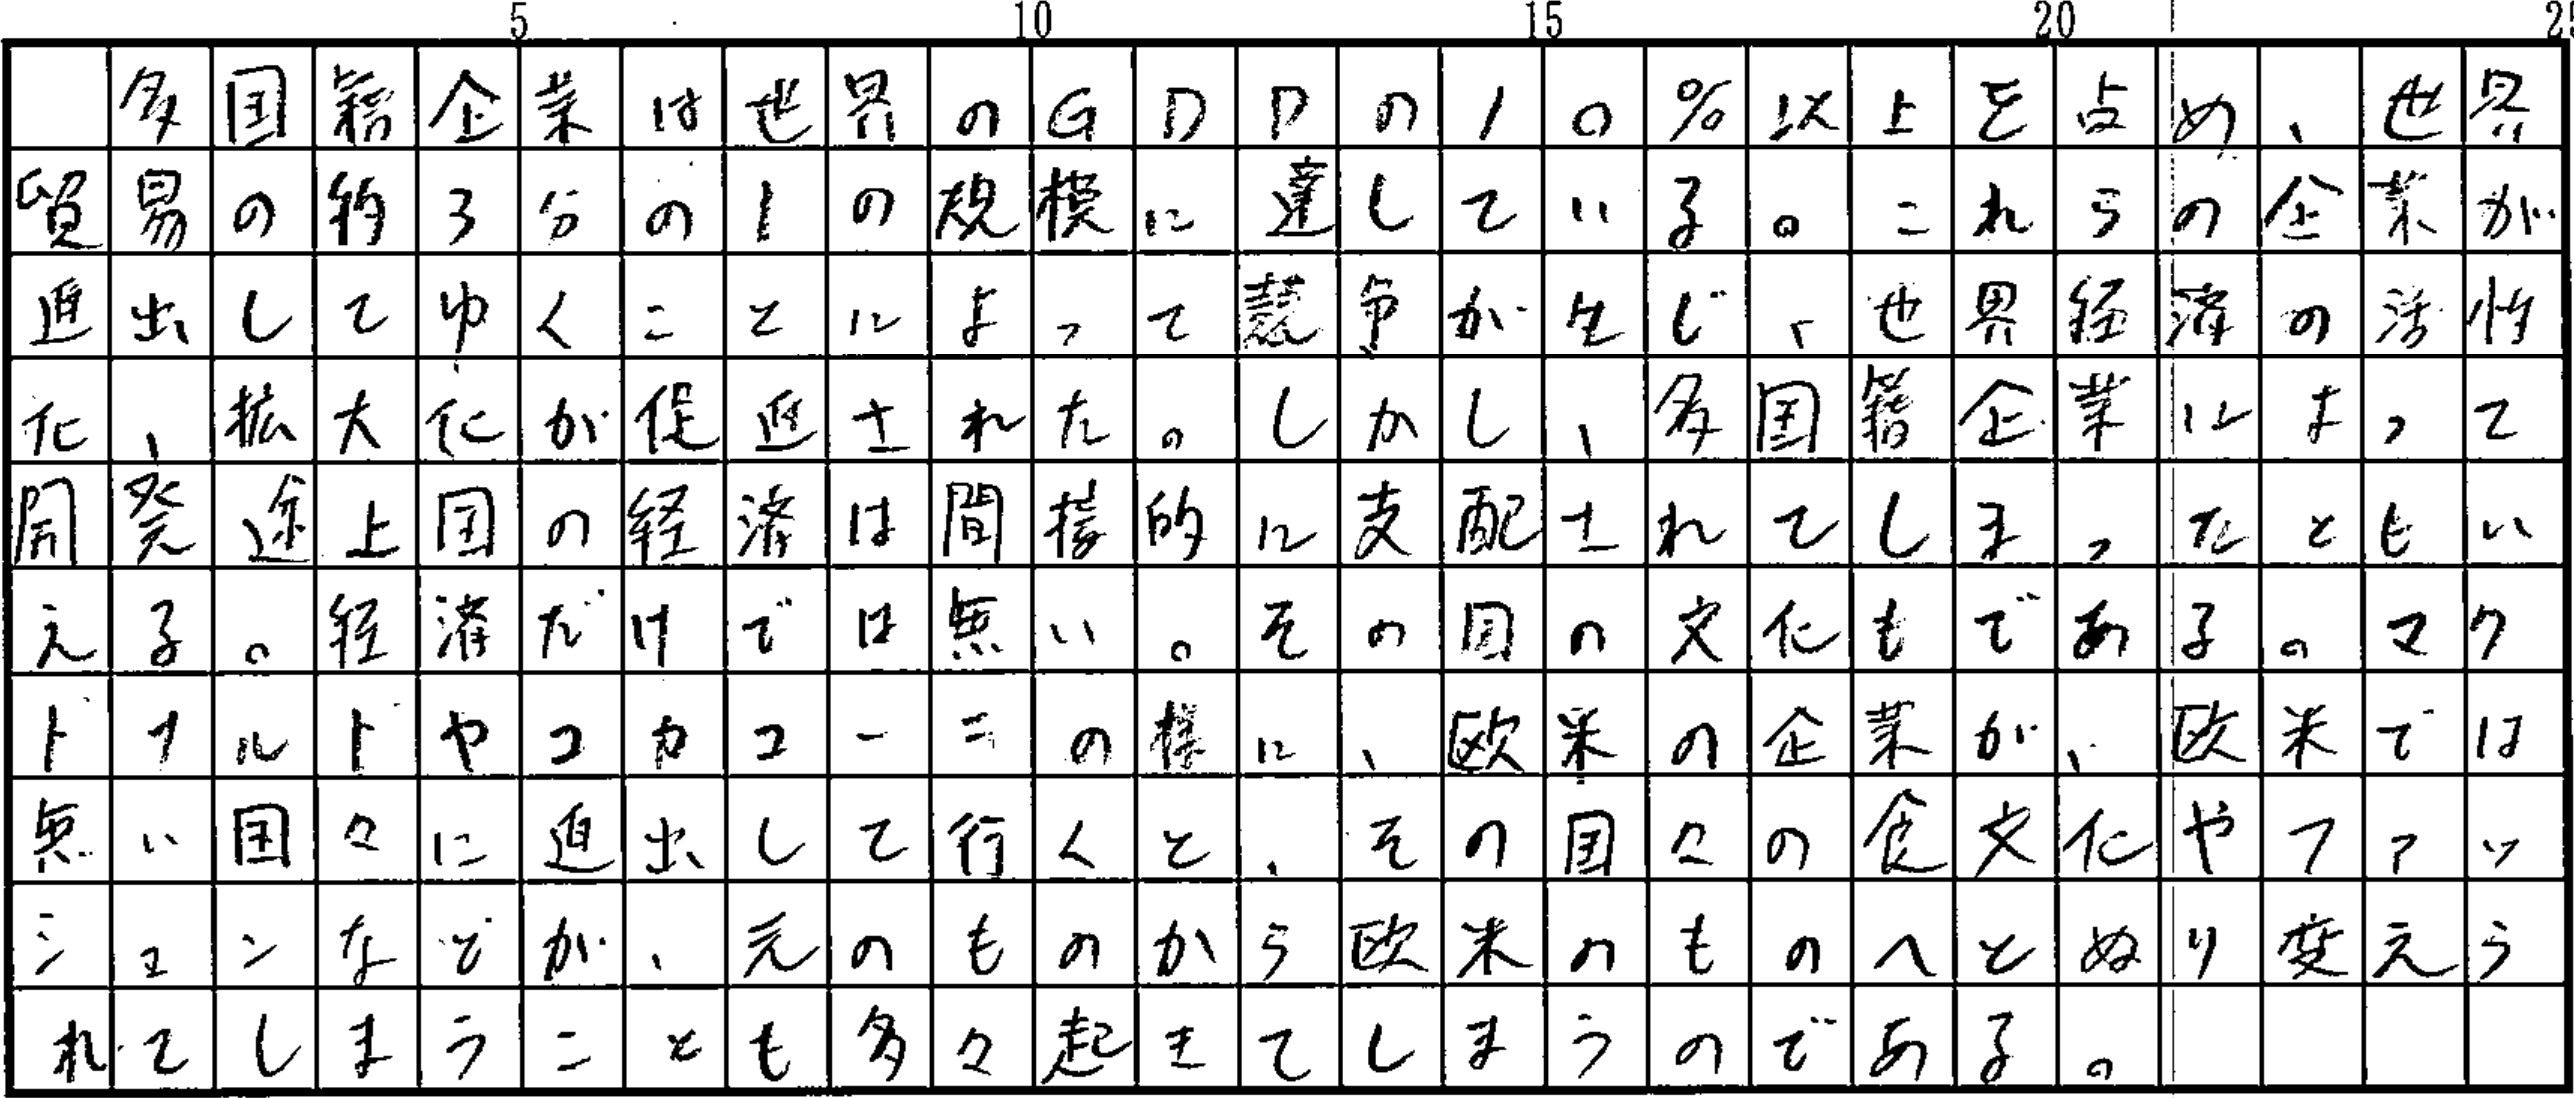　多国籍企業は世界のＧＤＰの１０％以上を占め、世界貿易の約３分の１の規模に達している。これらの企業が進出してゆくことによって競争が生じ、世界経済の活性化、拡大化が促進された。しかし、多国籍企業によって開発途上国の経済は間接的に支配されてしまったともいえる。経済だけでは無い。その国の文化もである。マクドナルドやコカコーラの様に、欧米の企業が、欧米では無い国々に進出して行くと、その国々の食文化やファッションなどが、元のものから欧米のものへとぬり変えられてしまうことも多々起きてしまうのである。
